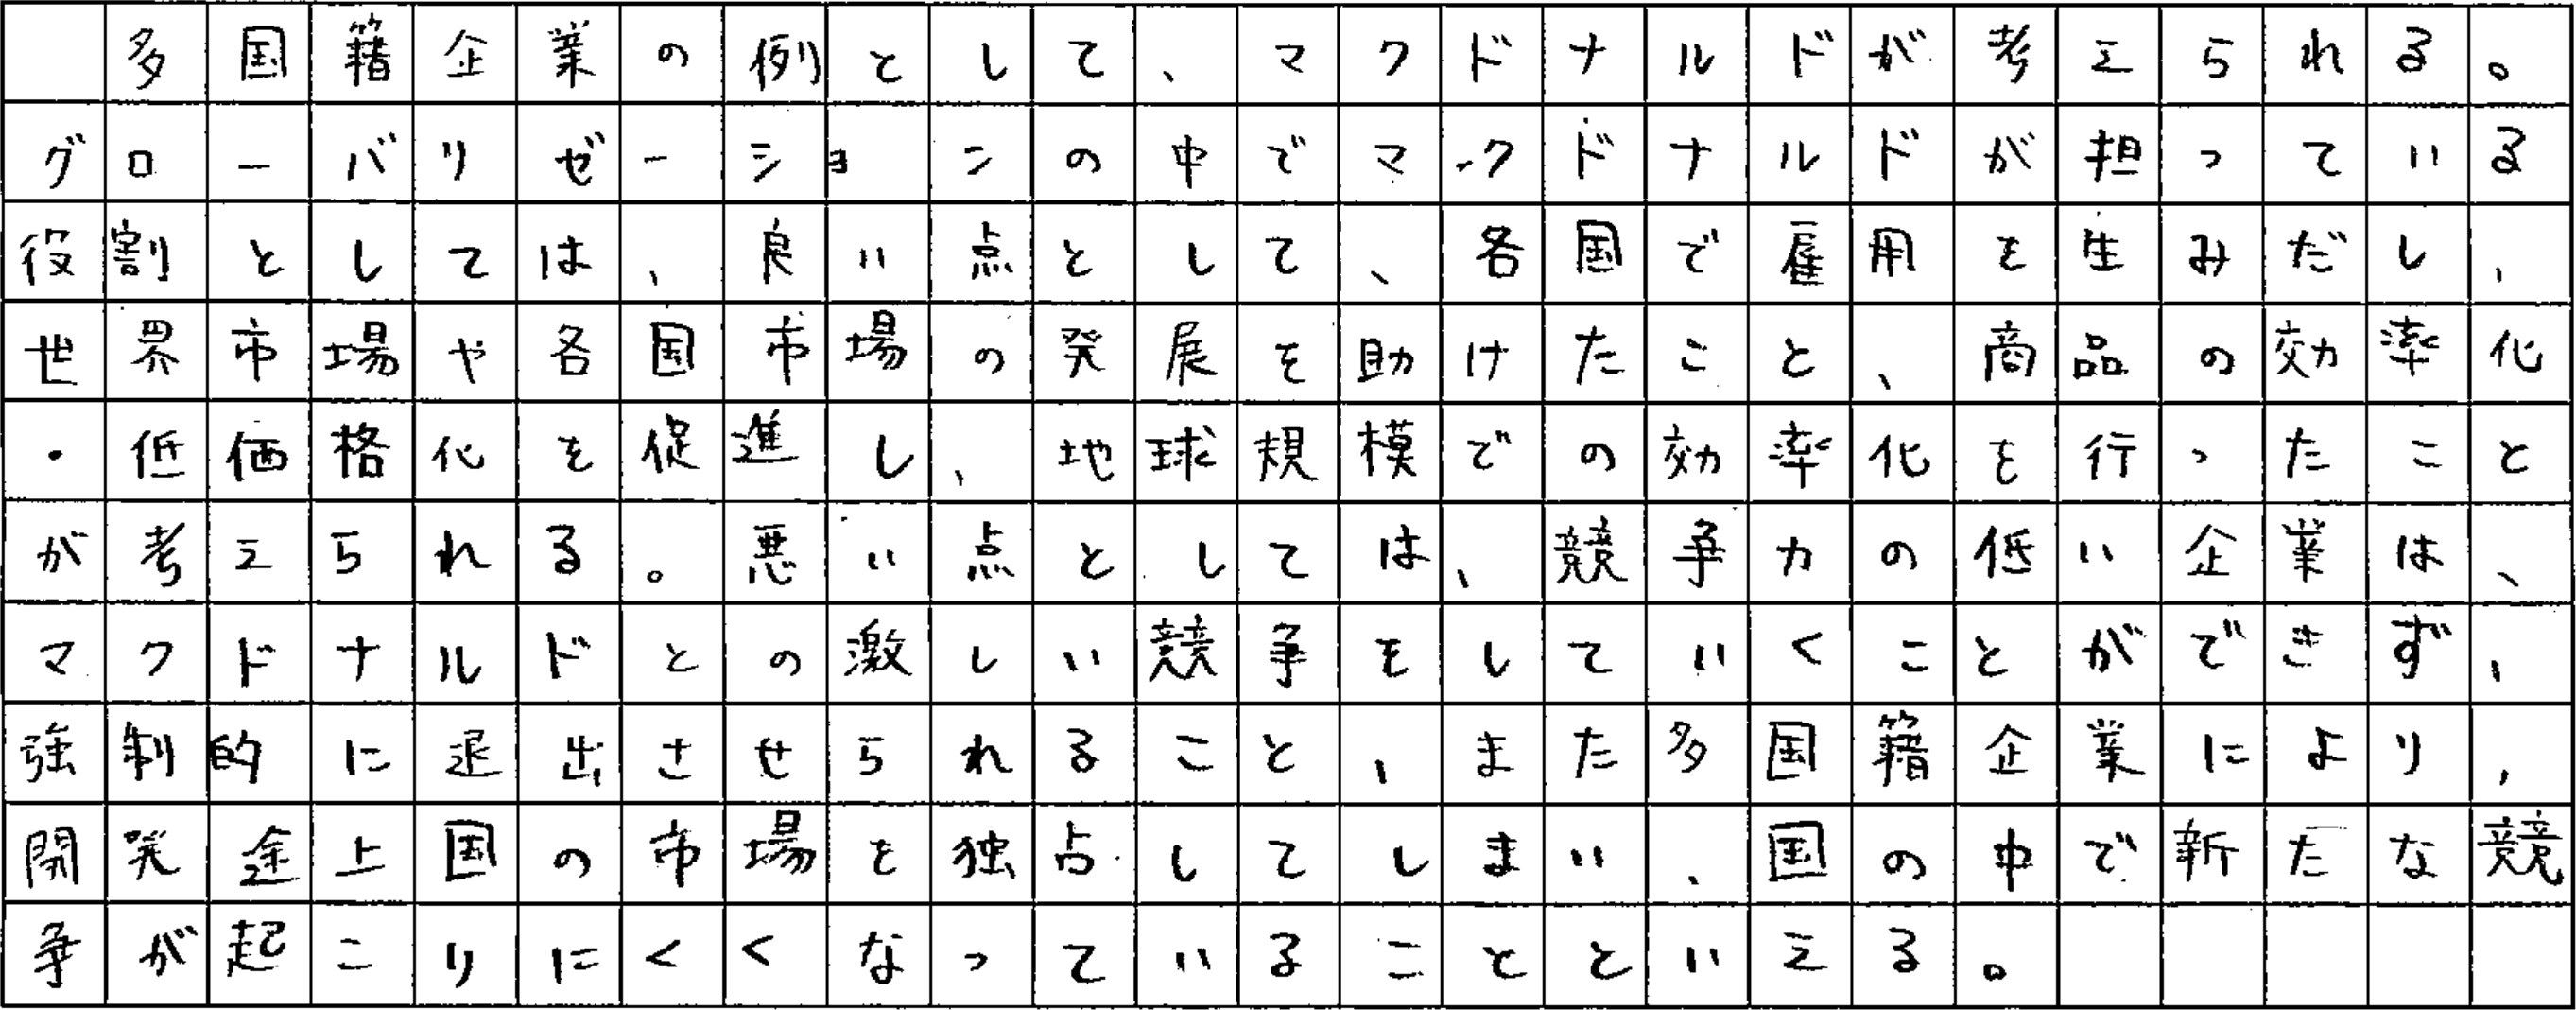　多国籍企業の例として、マクドナルドが考えられる。グローバリゼーションの中でマクドナルドが担っている役割としては、良い点として、各国で雇用を生みだし、世界市場や各国市場の発展を助けたこと、商品の効率化・低価格化を促進し、地球規模での効率化を行ったことが考えられる。悪い点としては、競争力の低い企業は、マクドナルドとの激しい競争をしていくことができず、強制的に退出させられること、また多国籍企業により、開発途上国の市場を独占してしまい、国の中で新たな競争が起こりにくくなっていることといえる。
